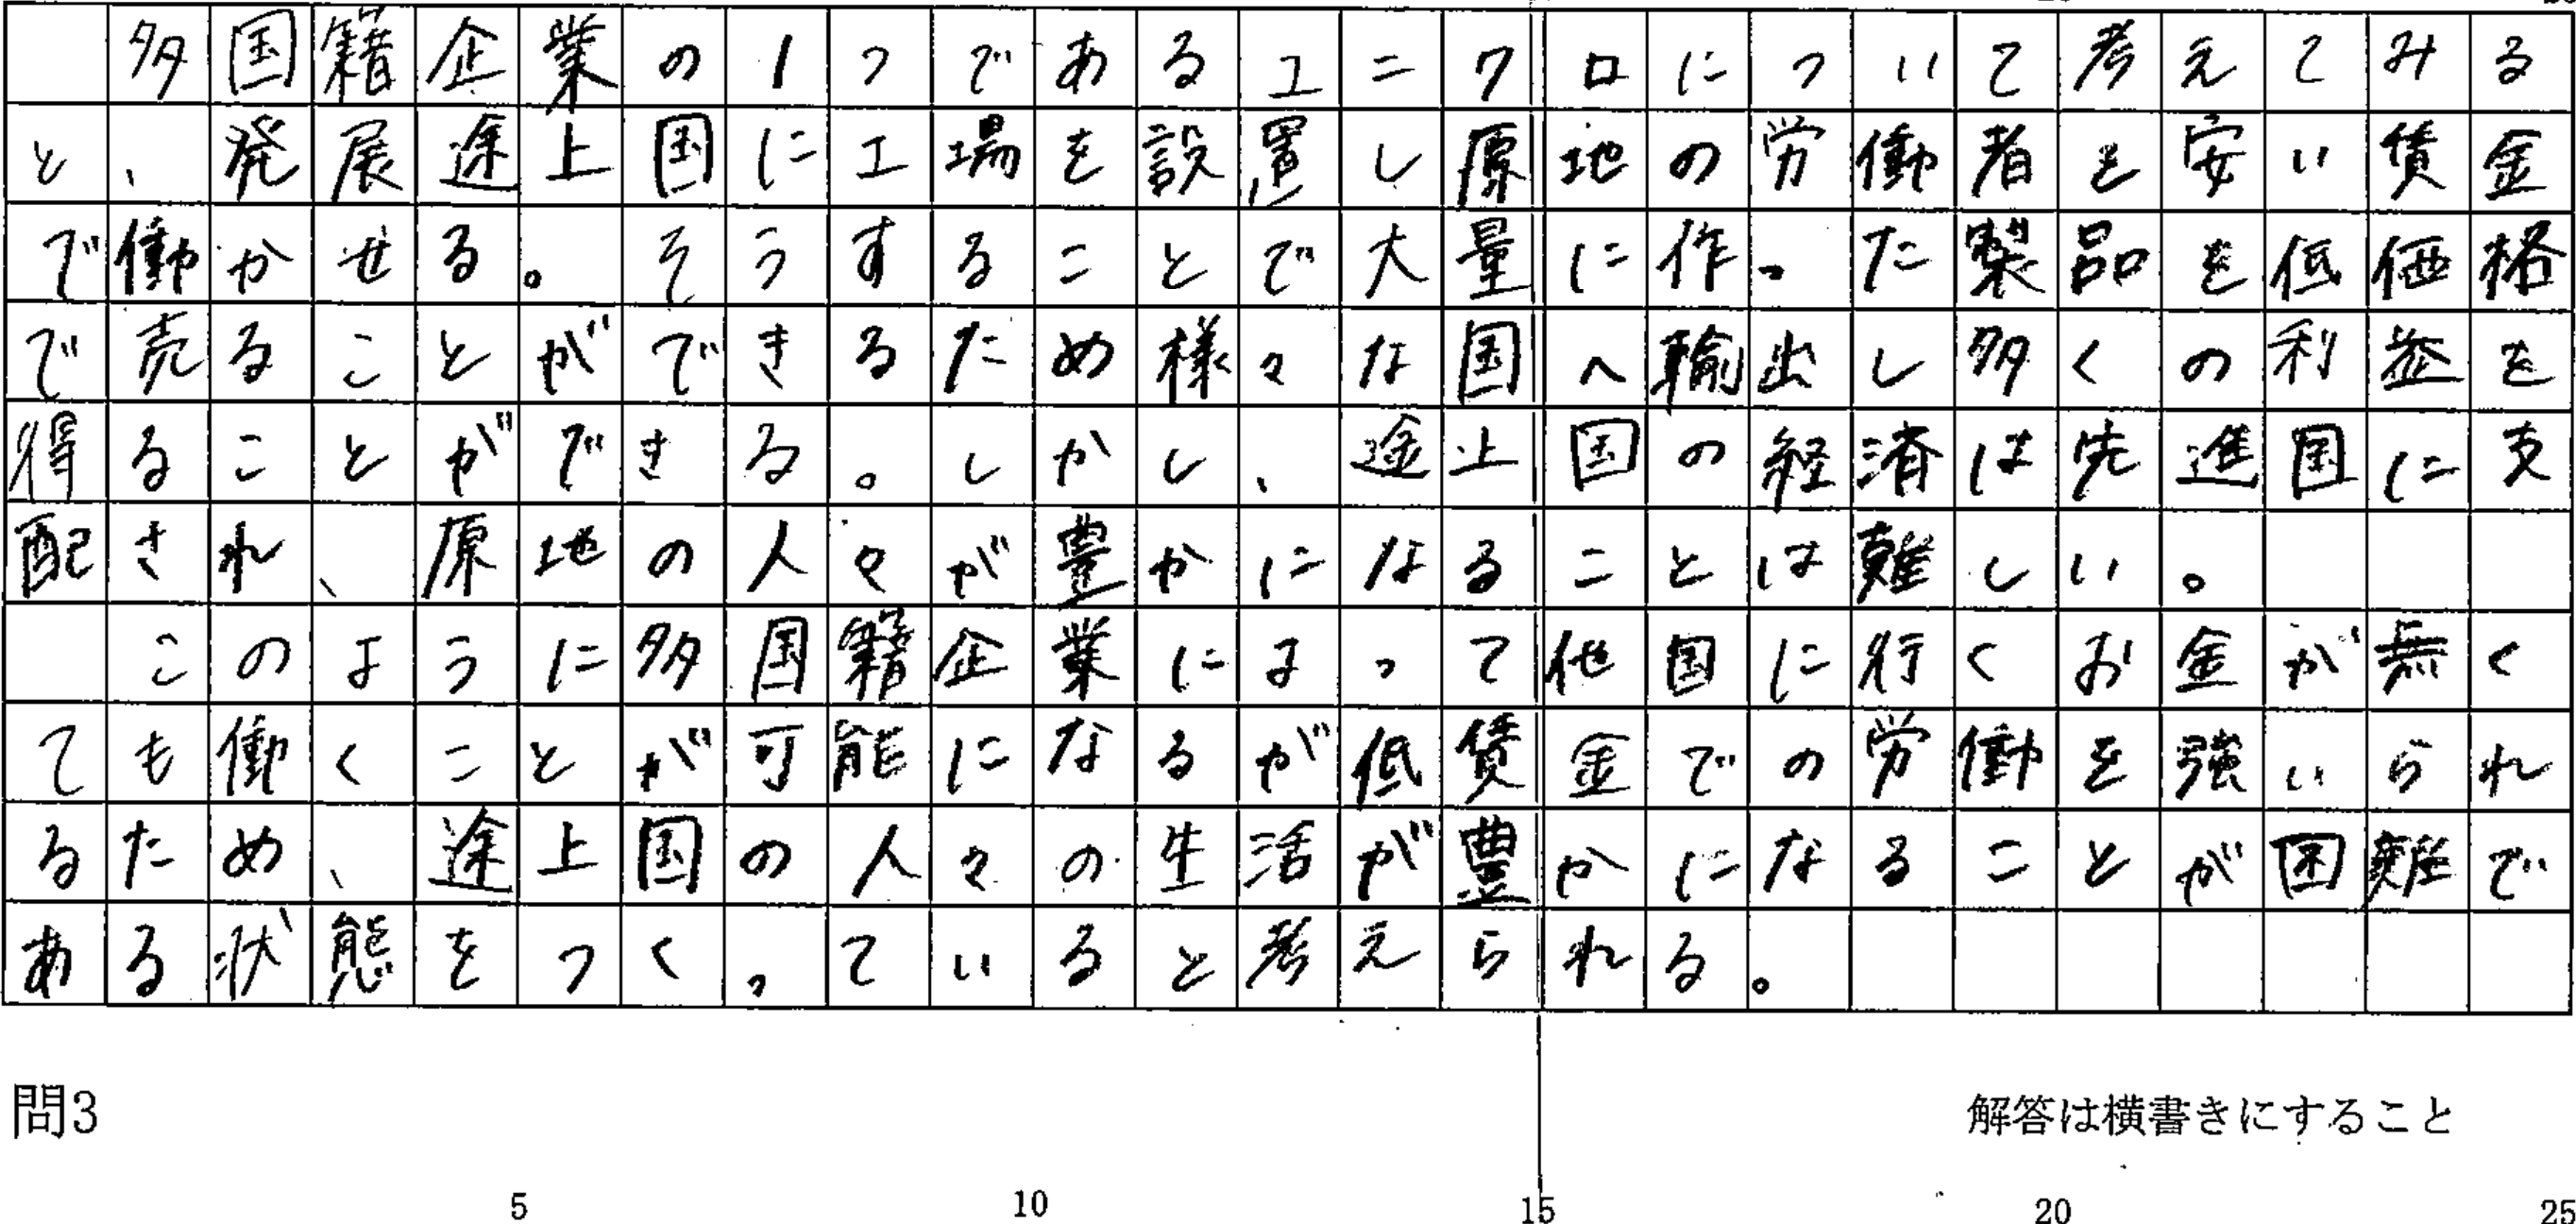　多国籍企業の１つであるユニクロについて考えてみると、発展途上国に工場を設置し原地の労働者を安い賃金で働かせる。そうすることで大量に作った製品を低価格で売ることができるため様々な国へ輸出し多くの利益を得ることができる。しかし、途上国の経済は先進国に支配され、原地の人々が豊かになることは難しい。
　このように多国籍企業によって他国に行くお金が無くても働くことが可能になるが低賃金での労働を強いられるため、途上国の人々の生活が豊かになることが困難である状態をつくっていると考えられる。
